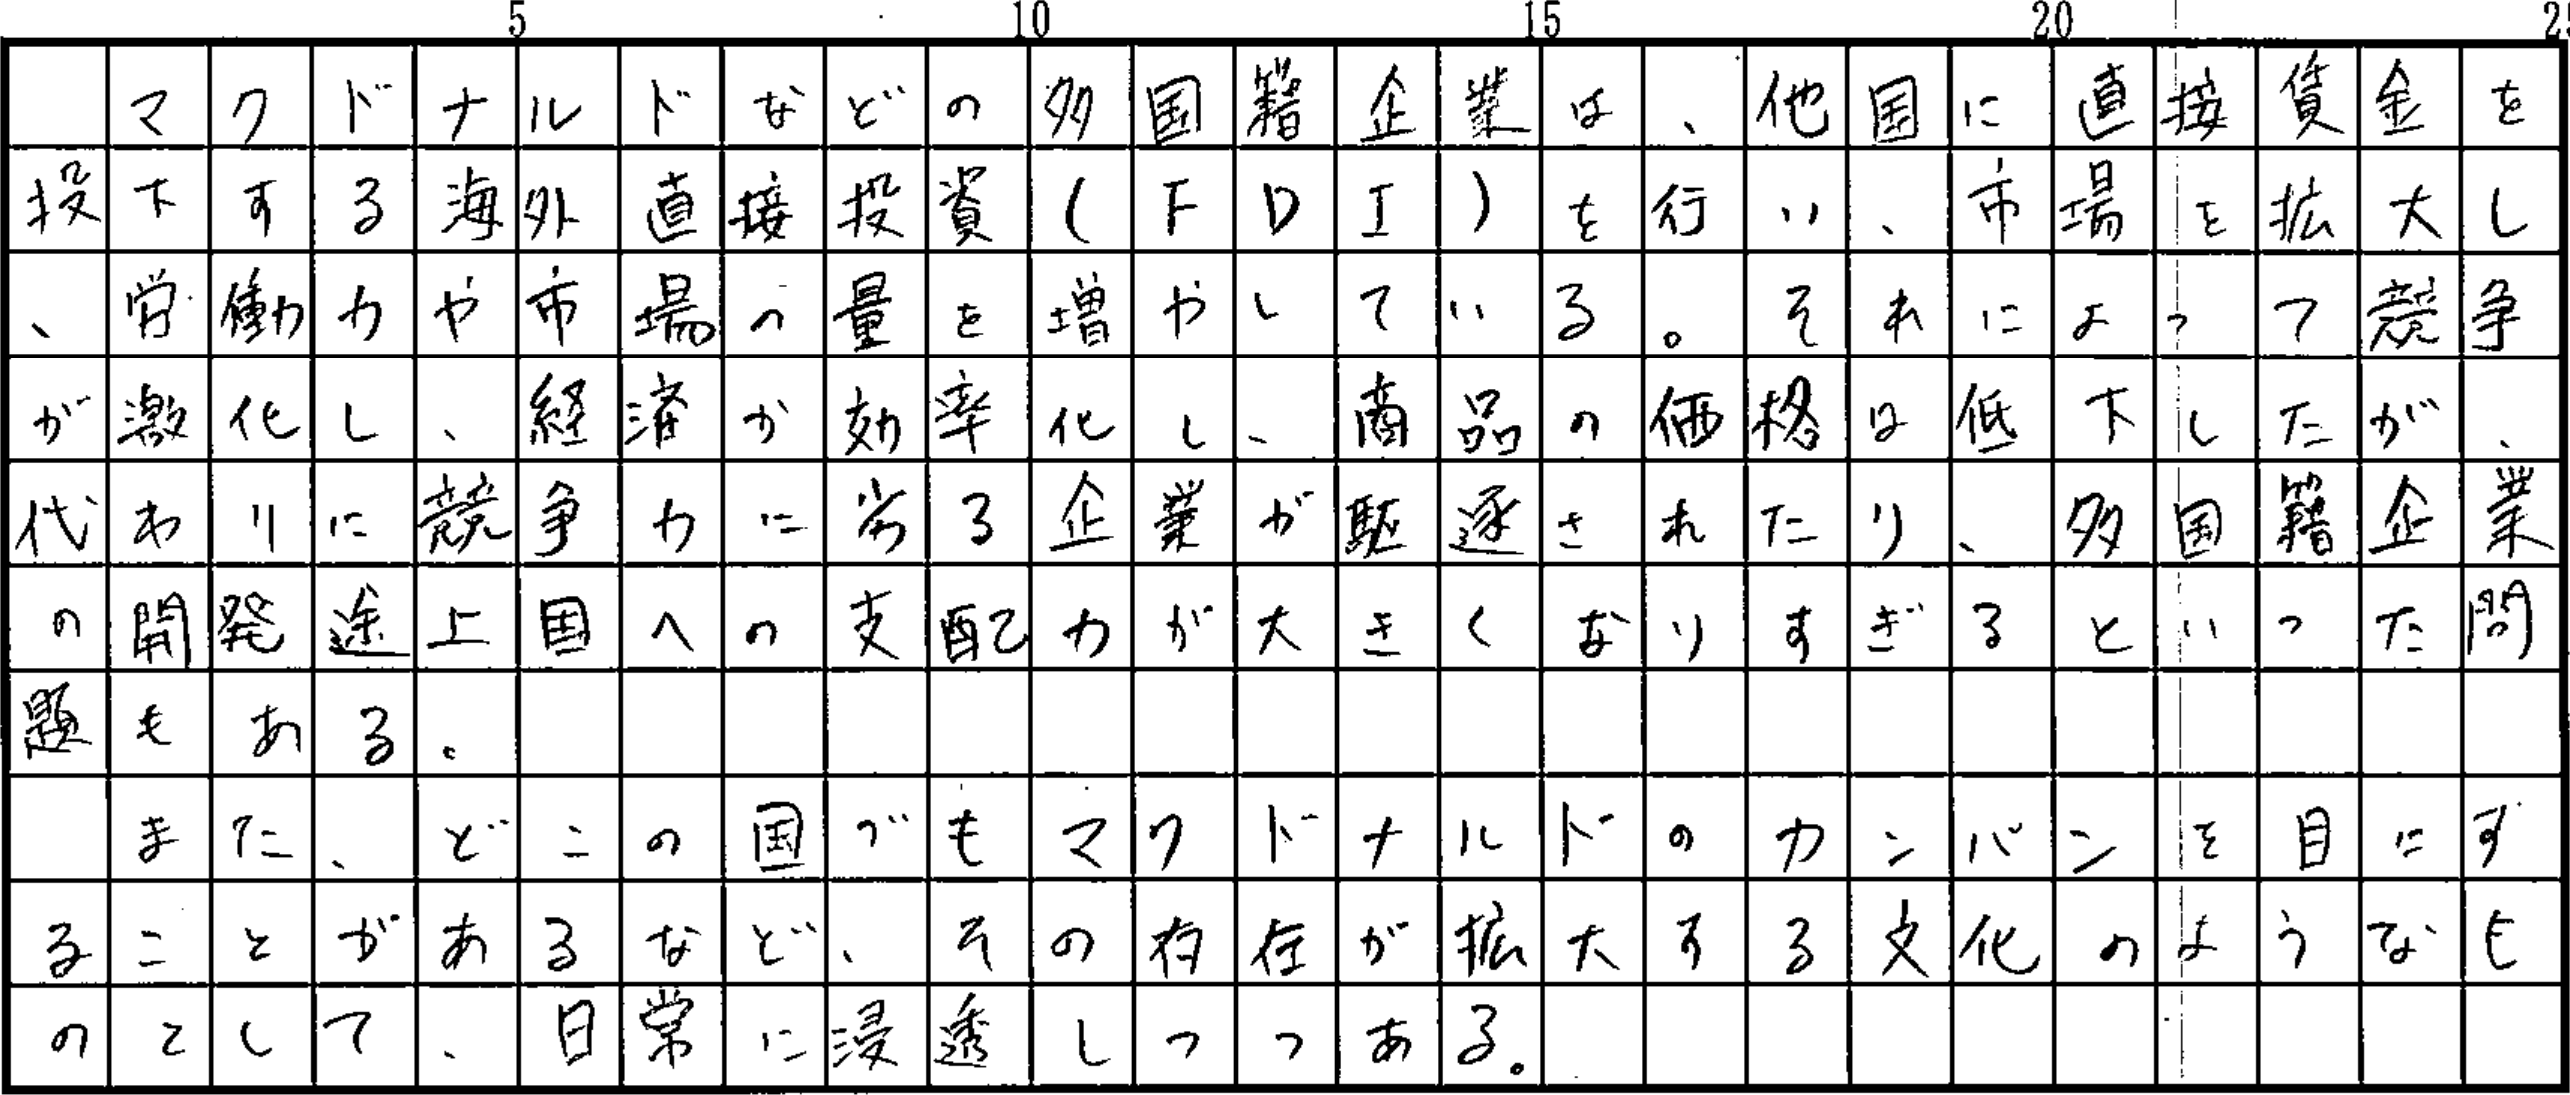　マクドナルドなどの多国籍企業は、他国に直接賃金を投下する海外直接投資（ＦＤＩ）を行い、市場を拡大し、労働力や市場の量を増やしている。それによって競争が激化し、経済か効率化し、商品の価格は低下したが、代わりに競争力に劣る企業が駆逐されたり、多国籍企業の開発途上国への支配力が大きくなりすぎるといった問題もある。
　また、どこの国でもマクドナルドのカンバンを目にすることがあるなど、その存在が拡大する文化のようなものとして、日常に浸透しつつある。
